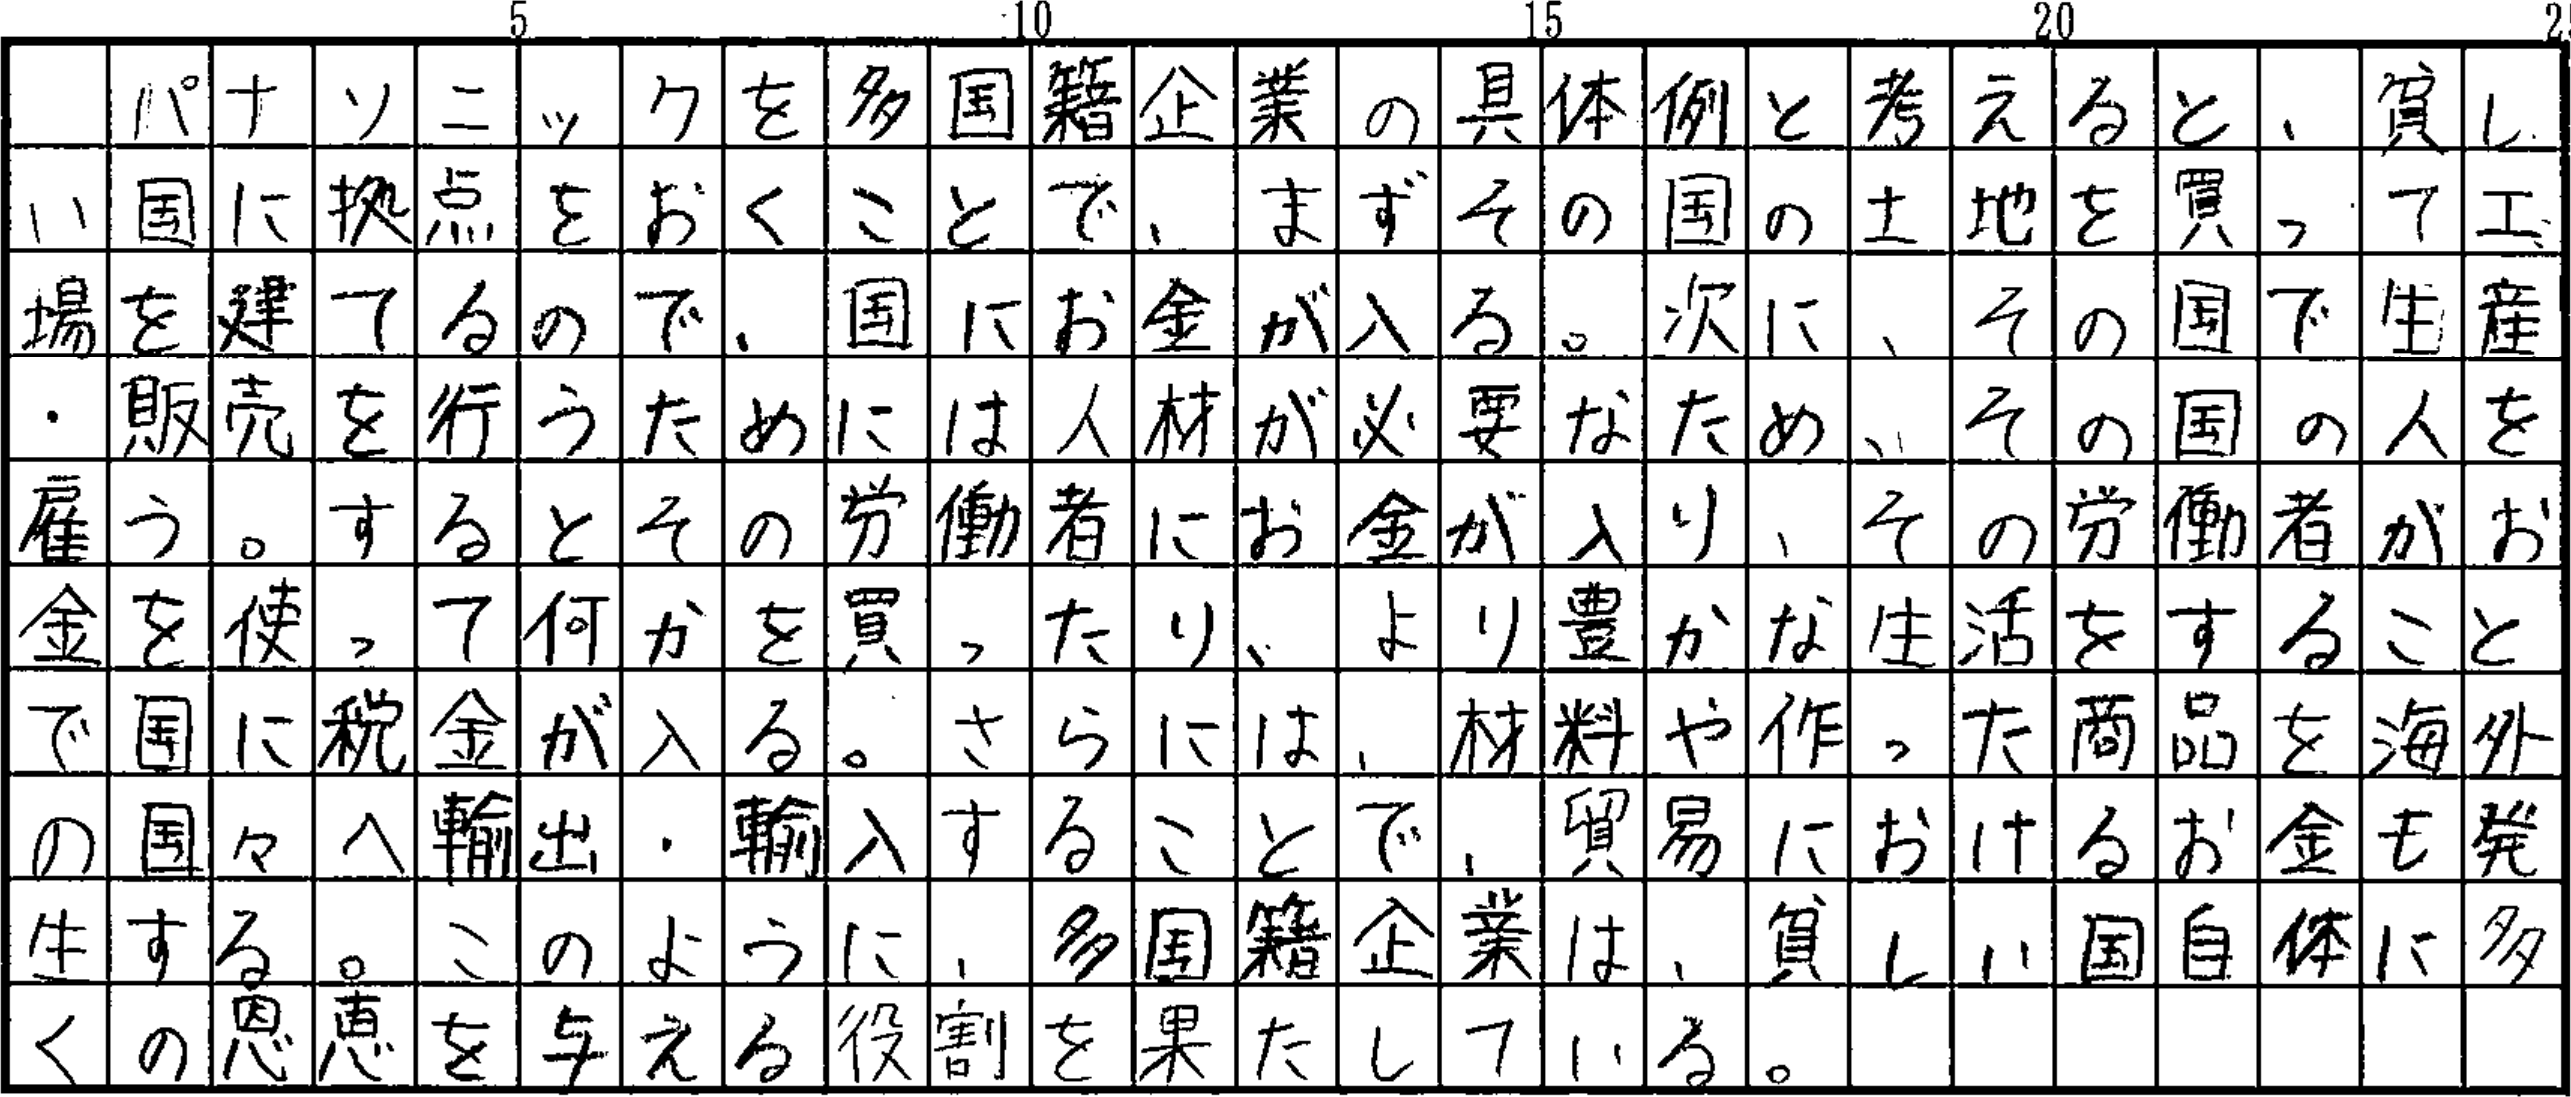　パナソニックを多国籍企業の具体例と考えると、貧しい国に拠点をおくことで、まずその国の土地を買って工場を建てるので、国にお金が入る。次に、その国で生産・販売を行うためには人材が必要なため、その国の人を雇う。するとその労働者にお金が入り、その労働者がお金を使って何かを買ったり、より豊かな生活をすることで国に税金が入る。さらには、材料や作った商品を海外の国々へ輸出・輸入することで、貿易におけるお金も発生する。このように、多国籍企業は、貧しい国自体に多くの恩恵を与える役割を果たしている。
